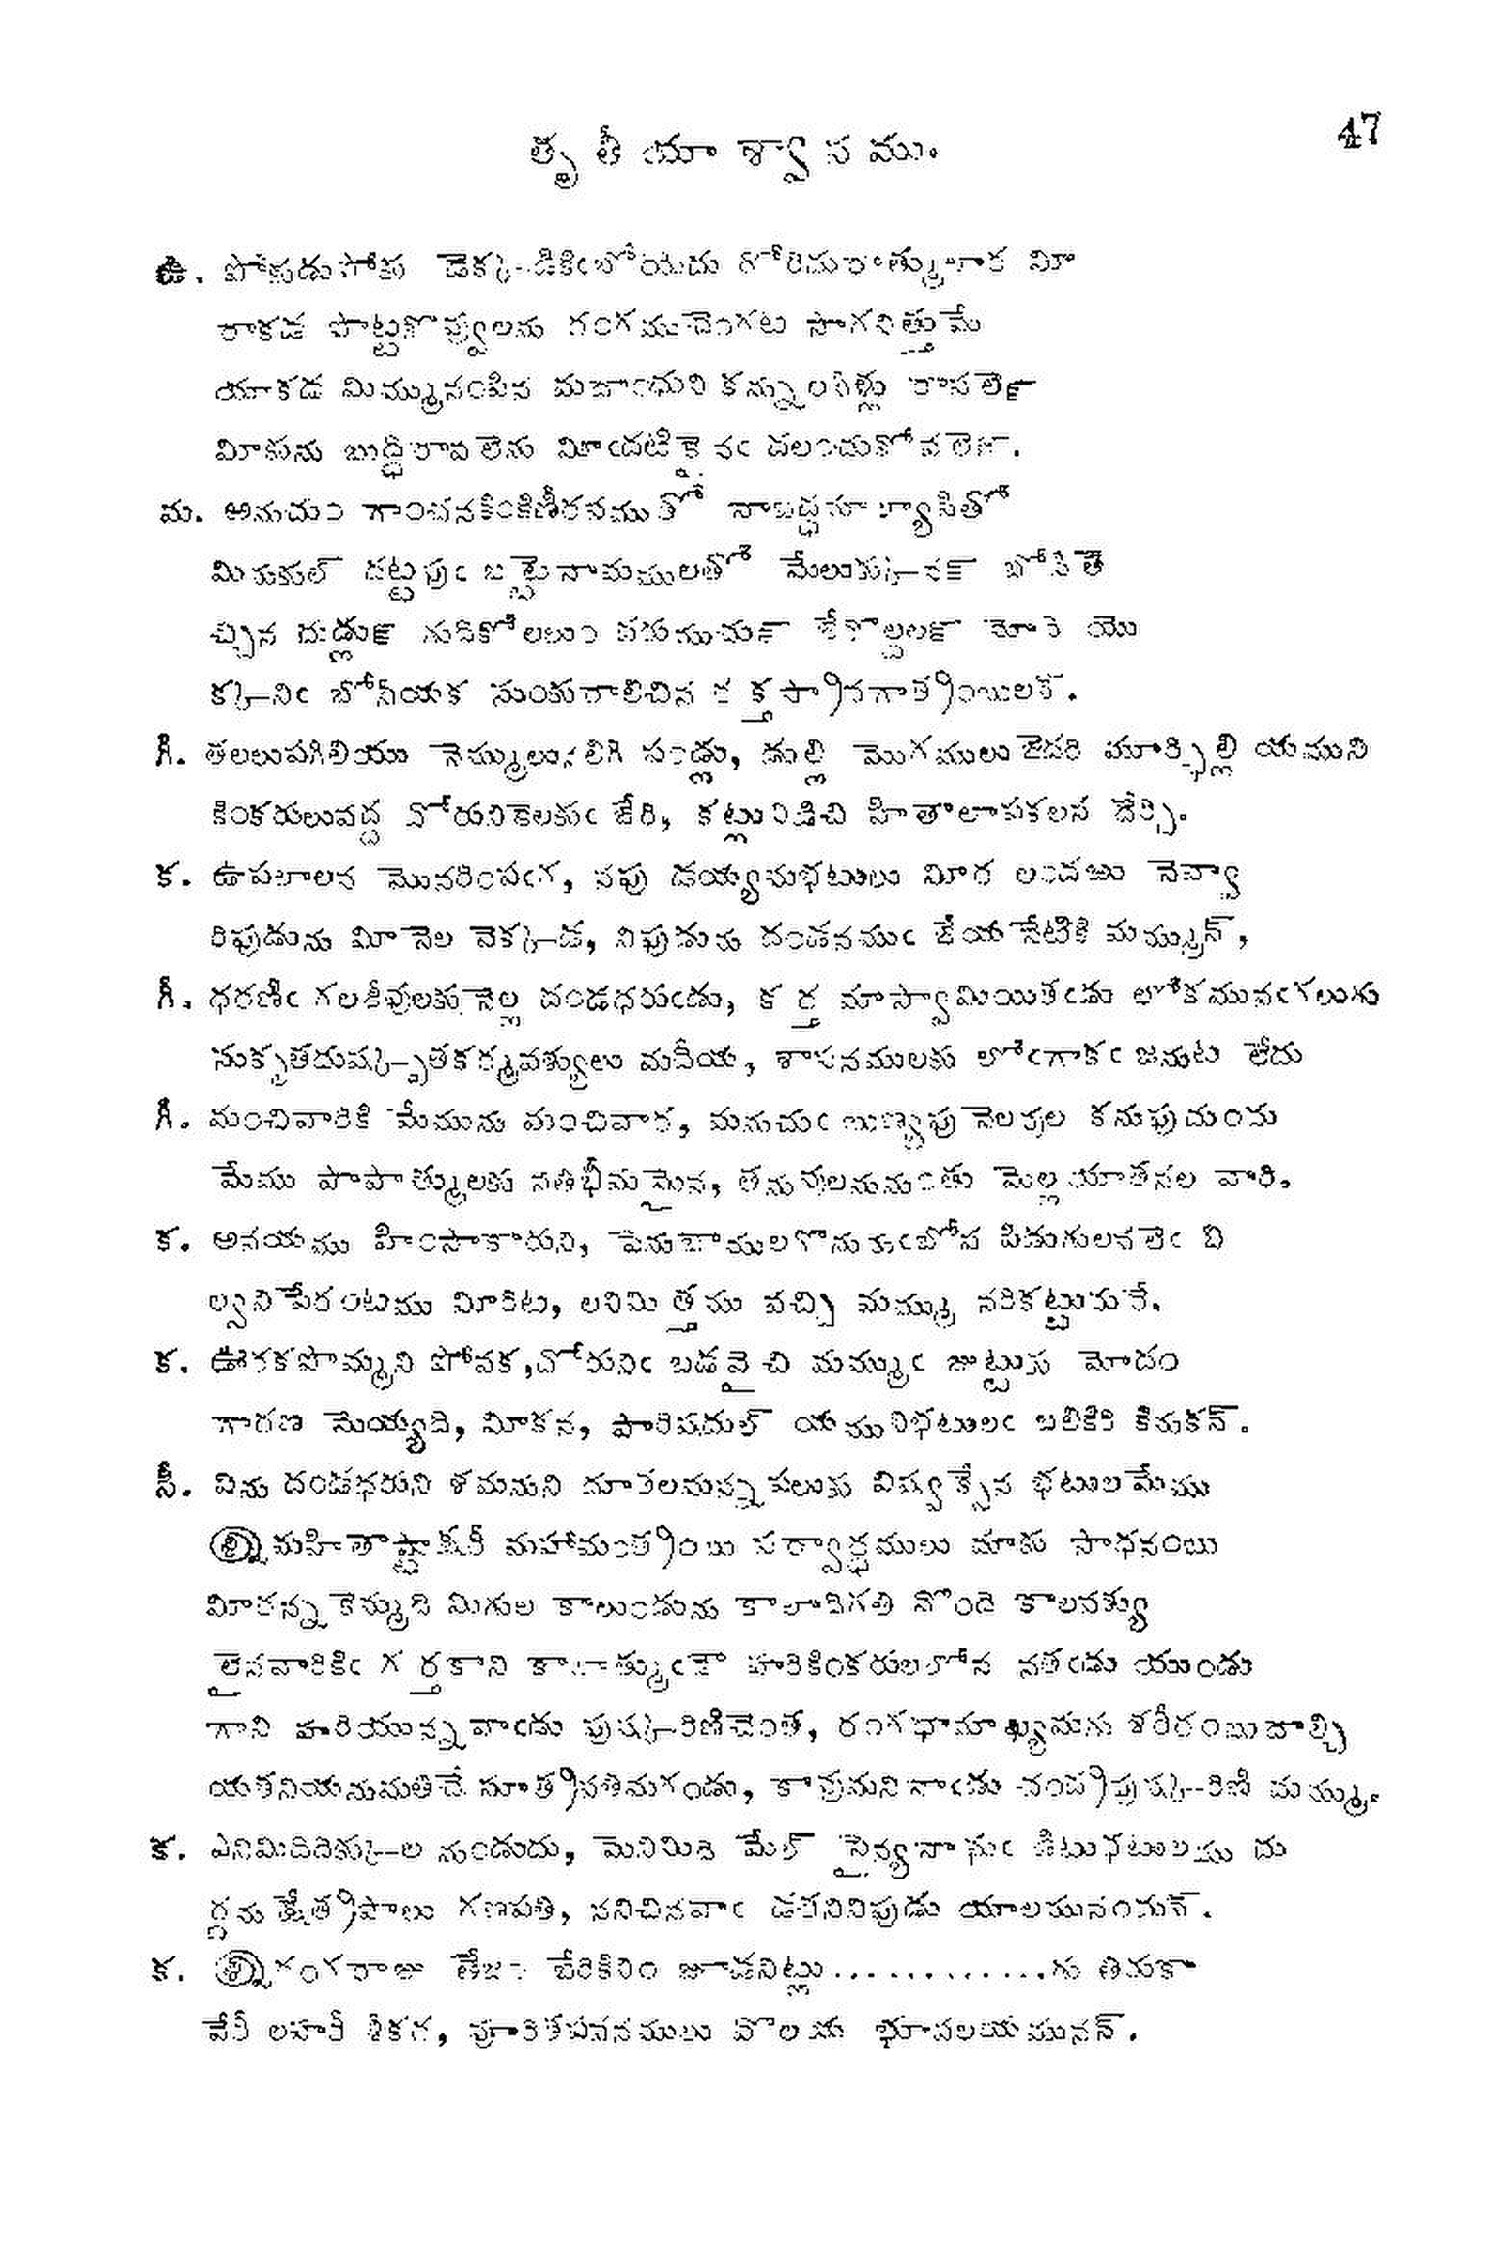ఉ. పోకుడు పోకు డెక్కడికిఁబోయెదు రోరి దురాత్ములార మీ
 రాకడ పొట్టకొవ్వులను రంగము చెంగట సాగనిత్తుమే
 యాకడ మిమ్మునంపిన మదాంధురి కన్సులనీళ్లు రావలెన్
 మీకును బుద్ధి రావలెను మీఁదటి కైనఁ దలంచుకోవలెన్.
మ. అనుచుం గాంచనకింకిణీరవము తో నాబద్ధమాల్యాసితో
 మినుకుల్ దట్టపుఁ బట్టెనామములతో మేలుక్కునన్ బోసితె
 చ్చిన దుడ్లు గుదికోలలుం దరుముచున్ జేకొల్దలన్ మోది యొ
 క్కనిఁ బోనీయక సుంకురాలిచిన రక్తస్రావగాత్రంబులన్.
గీ. తలలు పగిలియు నెమ్ములు నలిగి పండ్లు, డుల్లి మొగములు జెదరి మూర్చిల్లి యముని
 కింకరులువద్ద చోరునికెలకుఁ జేరి, కట్లు విడిచి హితాలాపకలన దేర్చి.
క. ఉపలాలన మొనరింస, నపు డయ్యమభటులు మీర లందఱు నెవ్వా
 రిపుడును మీనెల వెక్కడ, నిపుడును దండనముఁ జేయ నేటికి మమ్మున్.
గీ. ధరణిఁ గల జీవులకు నెల్ల దండధరుఁడు, కర మాస్వామి యితఁడు లోకమునఁ గలుగు
 సుకృతదుష్కృతకర్మవశ్యులు మదీయ, శాసనములకు లోఁగాకఁ జనుట లేదు
గీ. మంచివారికి మేమును మంచివార, మనుచుఁ బుణ్యపునెలవుల కనుపుచుందు
 మేము పాపాత్ములకు నతిభీమమైన, తనువులను నుంతు మెల్లయాతనల వారి.
క. అనయము హింసాకారుని, పెనుబాముల గొనుచుబోవ పిడుగులవలెఁ బి
 ల్వని పేరంటము మీరిట, లనిమిత్తము వచ్చి మమ్ము నరికట్టునుదురే.
క. ఊరకపొమ్మని పోవక, చోరునిఁ బడవైచి మమ్ముఁ జుట్టుకు మోదం
 గారణ మెయ్యది, మీకన, పారిషదుల్ యమభటులఁ బలికిరి కినుకన్.
సీ. విను దండధరుని శమనుని దూతలమన్న పలుకు విష్వక్సేన భటుల మేము
 శ్రీమహితాష్టాక్షరీ మహామంత్రంబు సర్వార్థములు మాకు సాధనంబు
 మీరన్న కెమ్మది మిగుల కాలుండును కాలాదిగతి నొంది కాలవశ్యు
 లైనవారికిఁ గర్తకాని కాలాత్ముఁడౌ హరికింకరులలోన నతఁడు యుండు
 గాని హరియున్నవాఁడు పుష్కరిణి చెంత, రంగధామాఖ్యమగు శరీరంబుదాల్చి
 యగనియనుమతిచే సూత్రపతిమగండు, కావుమనినాఁడు చంద్రపుష్కరిణి ముమ్ము.
క. ఎనిమిదిదిక్కుల నుండుదు, మెనిమిది మేల్ సైన్యనాథుఁ డిటుభటులము దు
 ర్గమక్షేత్రపాలు గణపతి, ననిచినవాఁ డతని నిపుడు యాలమునందున్.
క. శ్రీలింగరాజు తేజం బేరికినిం జూడనిట్లు . . . . . . . . . . . . గు తిరుకా
 వేరీ లహరీ శీకర, పూరితపవనములు వొలయ భూవలయమునన్.